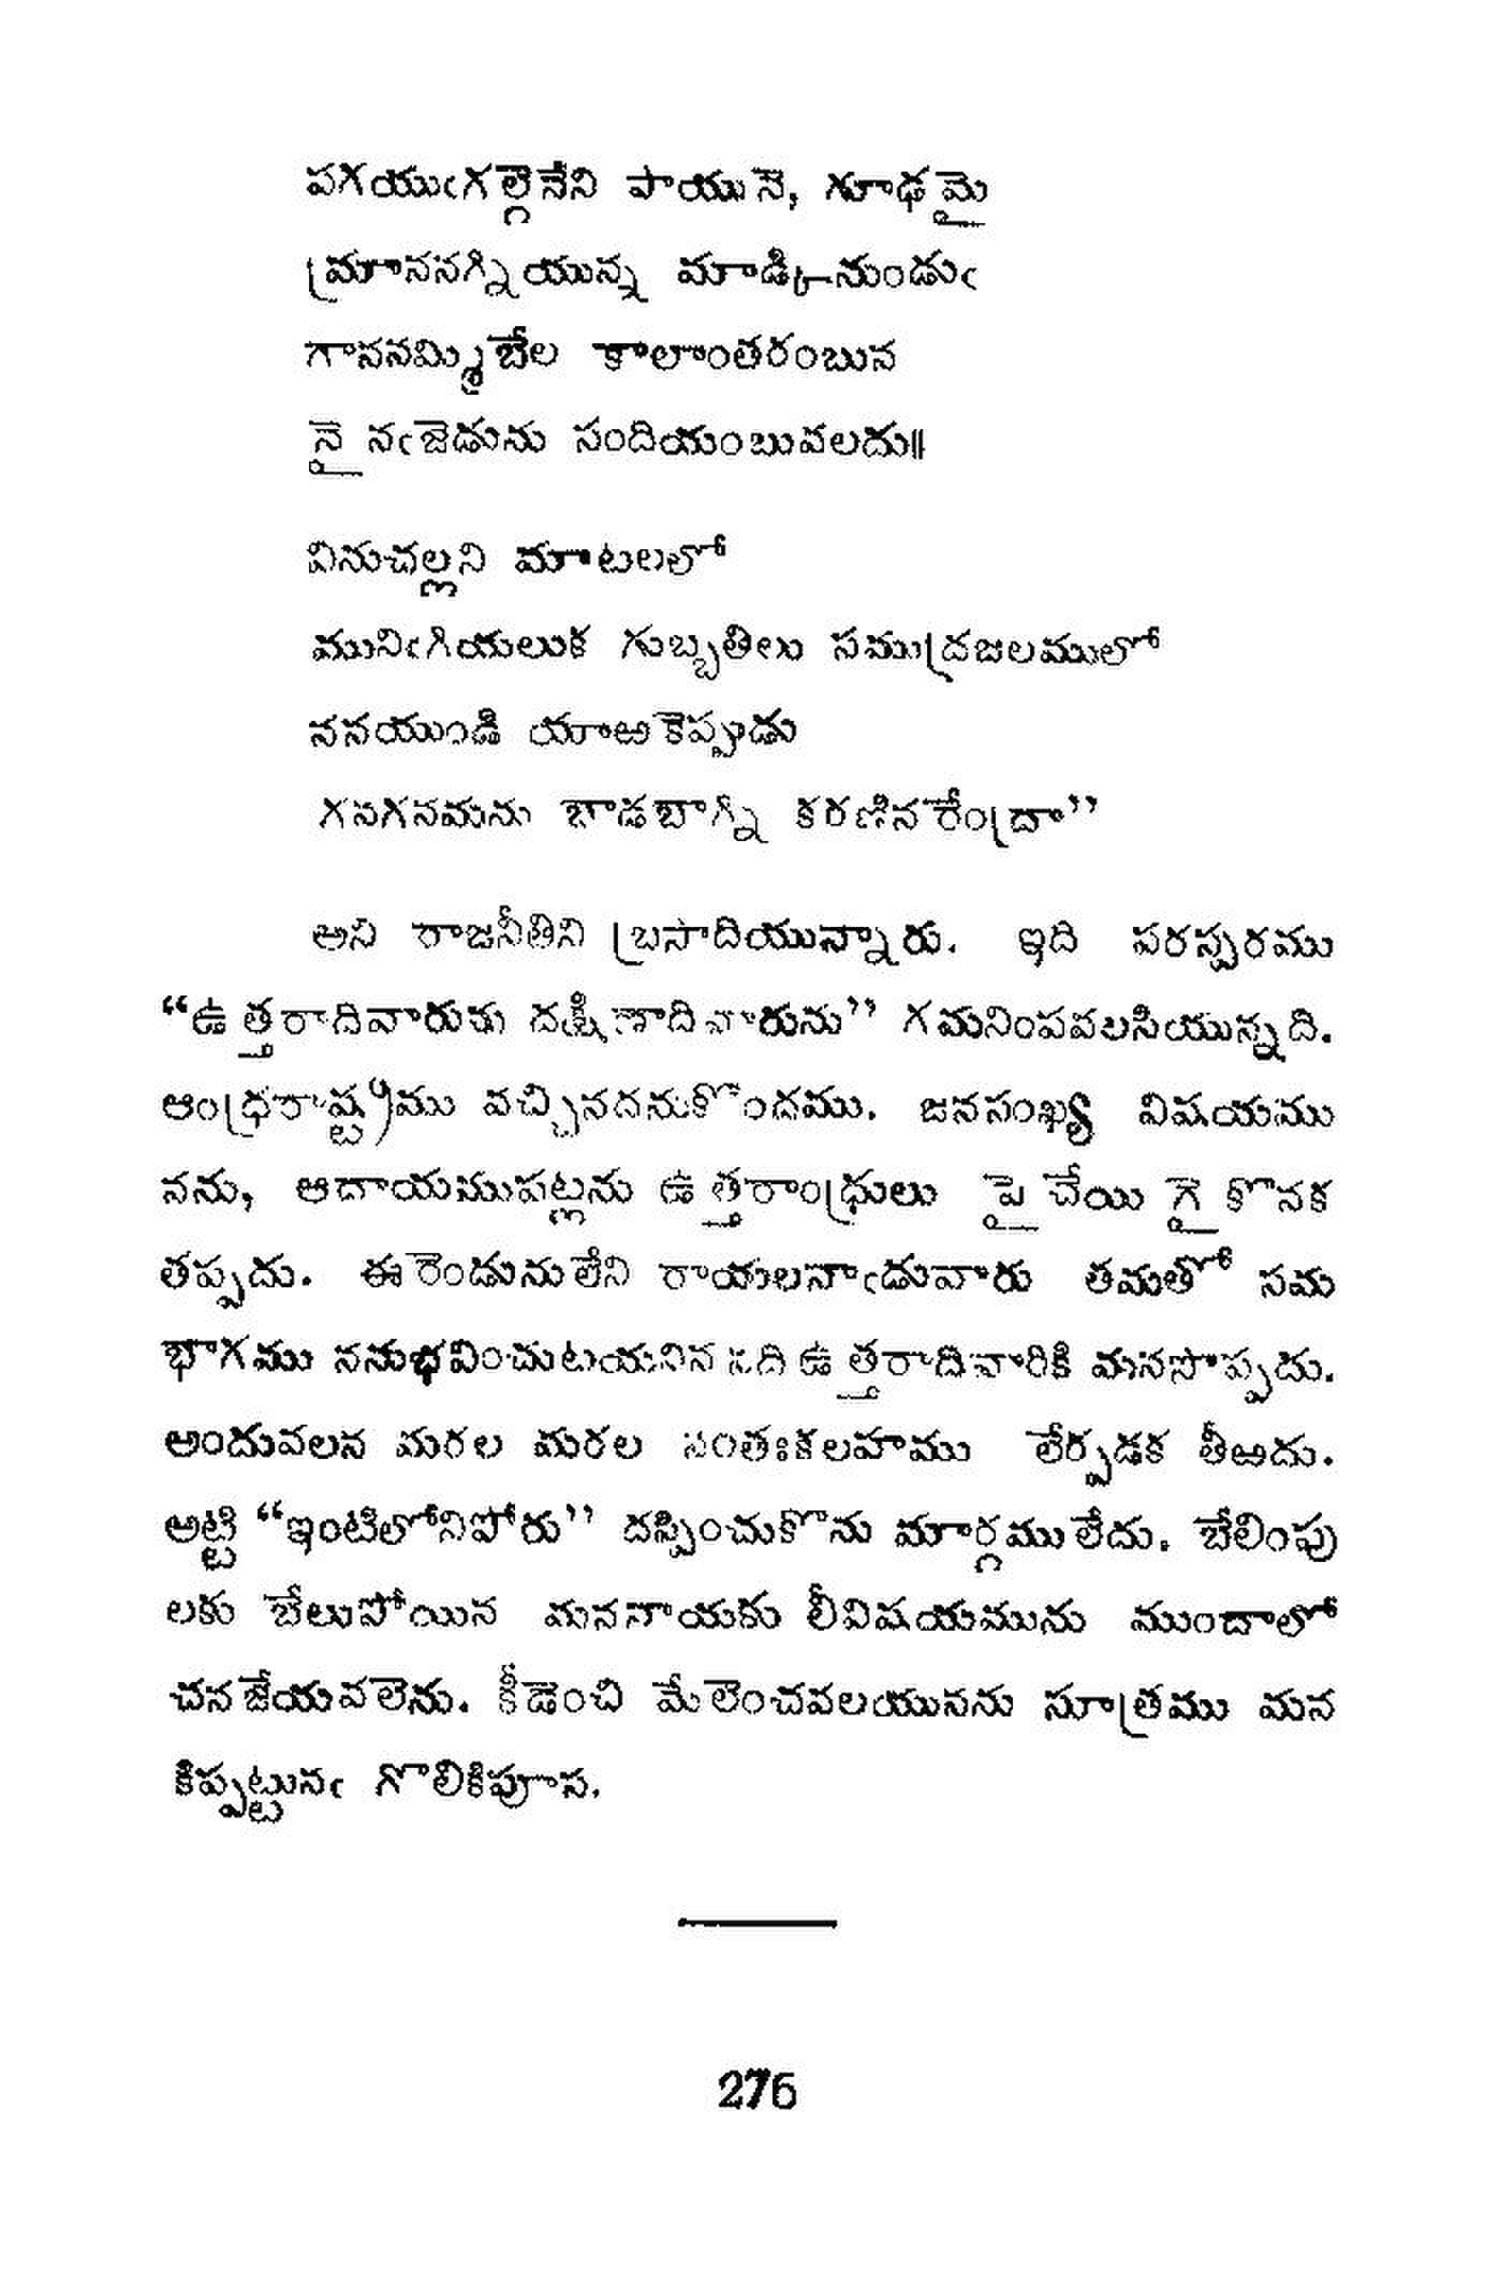పగయుగల్గెనేని పాయునె, గూఢమై
 మ్రాననగ్నియున్న మాడ్కినుండు
 గాననమ్మిబేల కాలాంతరంబున
 నైనజెడును సందియంబువలదు||

 వినుచల్లని మాటలలో 
 మునిగియలుక గుబ్బతిలు సముద్రజలములో
 ననయుండి యాఱకెప్పుడు
 గనగనమను బాడబాగ్ని కరణినరేంద్రా"

అని రాజనీతిని బ్రసాదియున్నారు. ఇది పరస్పరము "ఉత్తరాదివారును దక్షిణాదివారును" గమనింపవలసియున్నది. ఆంధ్రరాష్ట్రము వచ్చినదనుకొందుము. జనసంఖ్య విషయమునను, ఆదాయముపట్లను ఉత్తరాంధ్రులు పైచేయి గైకొనక తప్పదు. ఈరెండునులేని రాయలనాడువారు తమతో సమభాగము ననుభవించుటయనిన నది ఉత్తరాదివారికి మనసొప్పదు. అందువలన మరల మరల నంత:కలహము లేర్పడక తీఱదు. అట్టి "ఇంటిలోనిపోరు" దప్పించుకొను మార్గములేదు. బేలింపులకు బేలుపోయిన మననాయకు లీవిషయమును ముందాలోచనజేయవలెను. కీడెంచి మేలెంచవలయునను సూత్రము మన కిప్పట్టున గొలికిపూస.

________